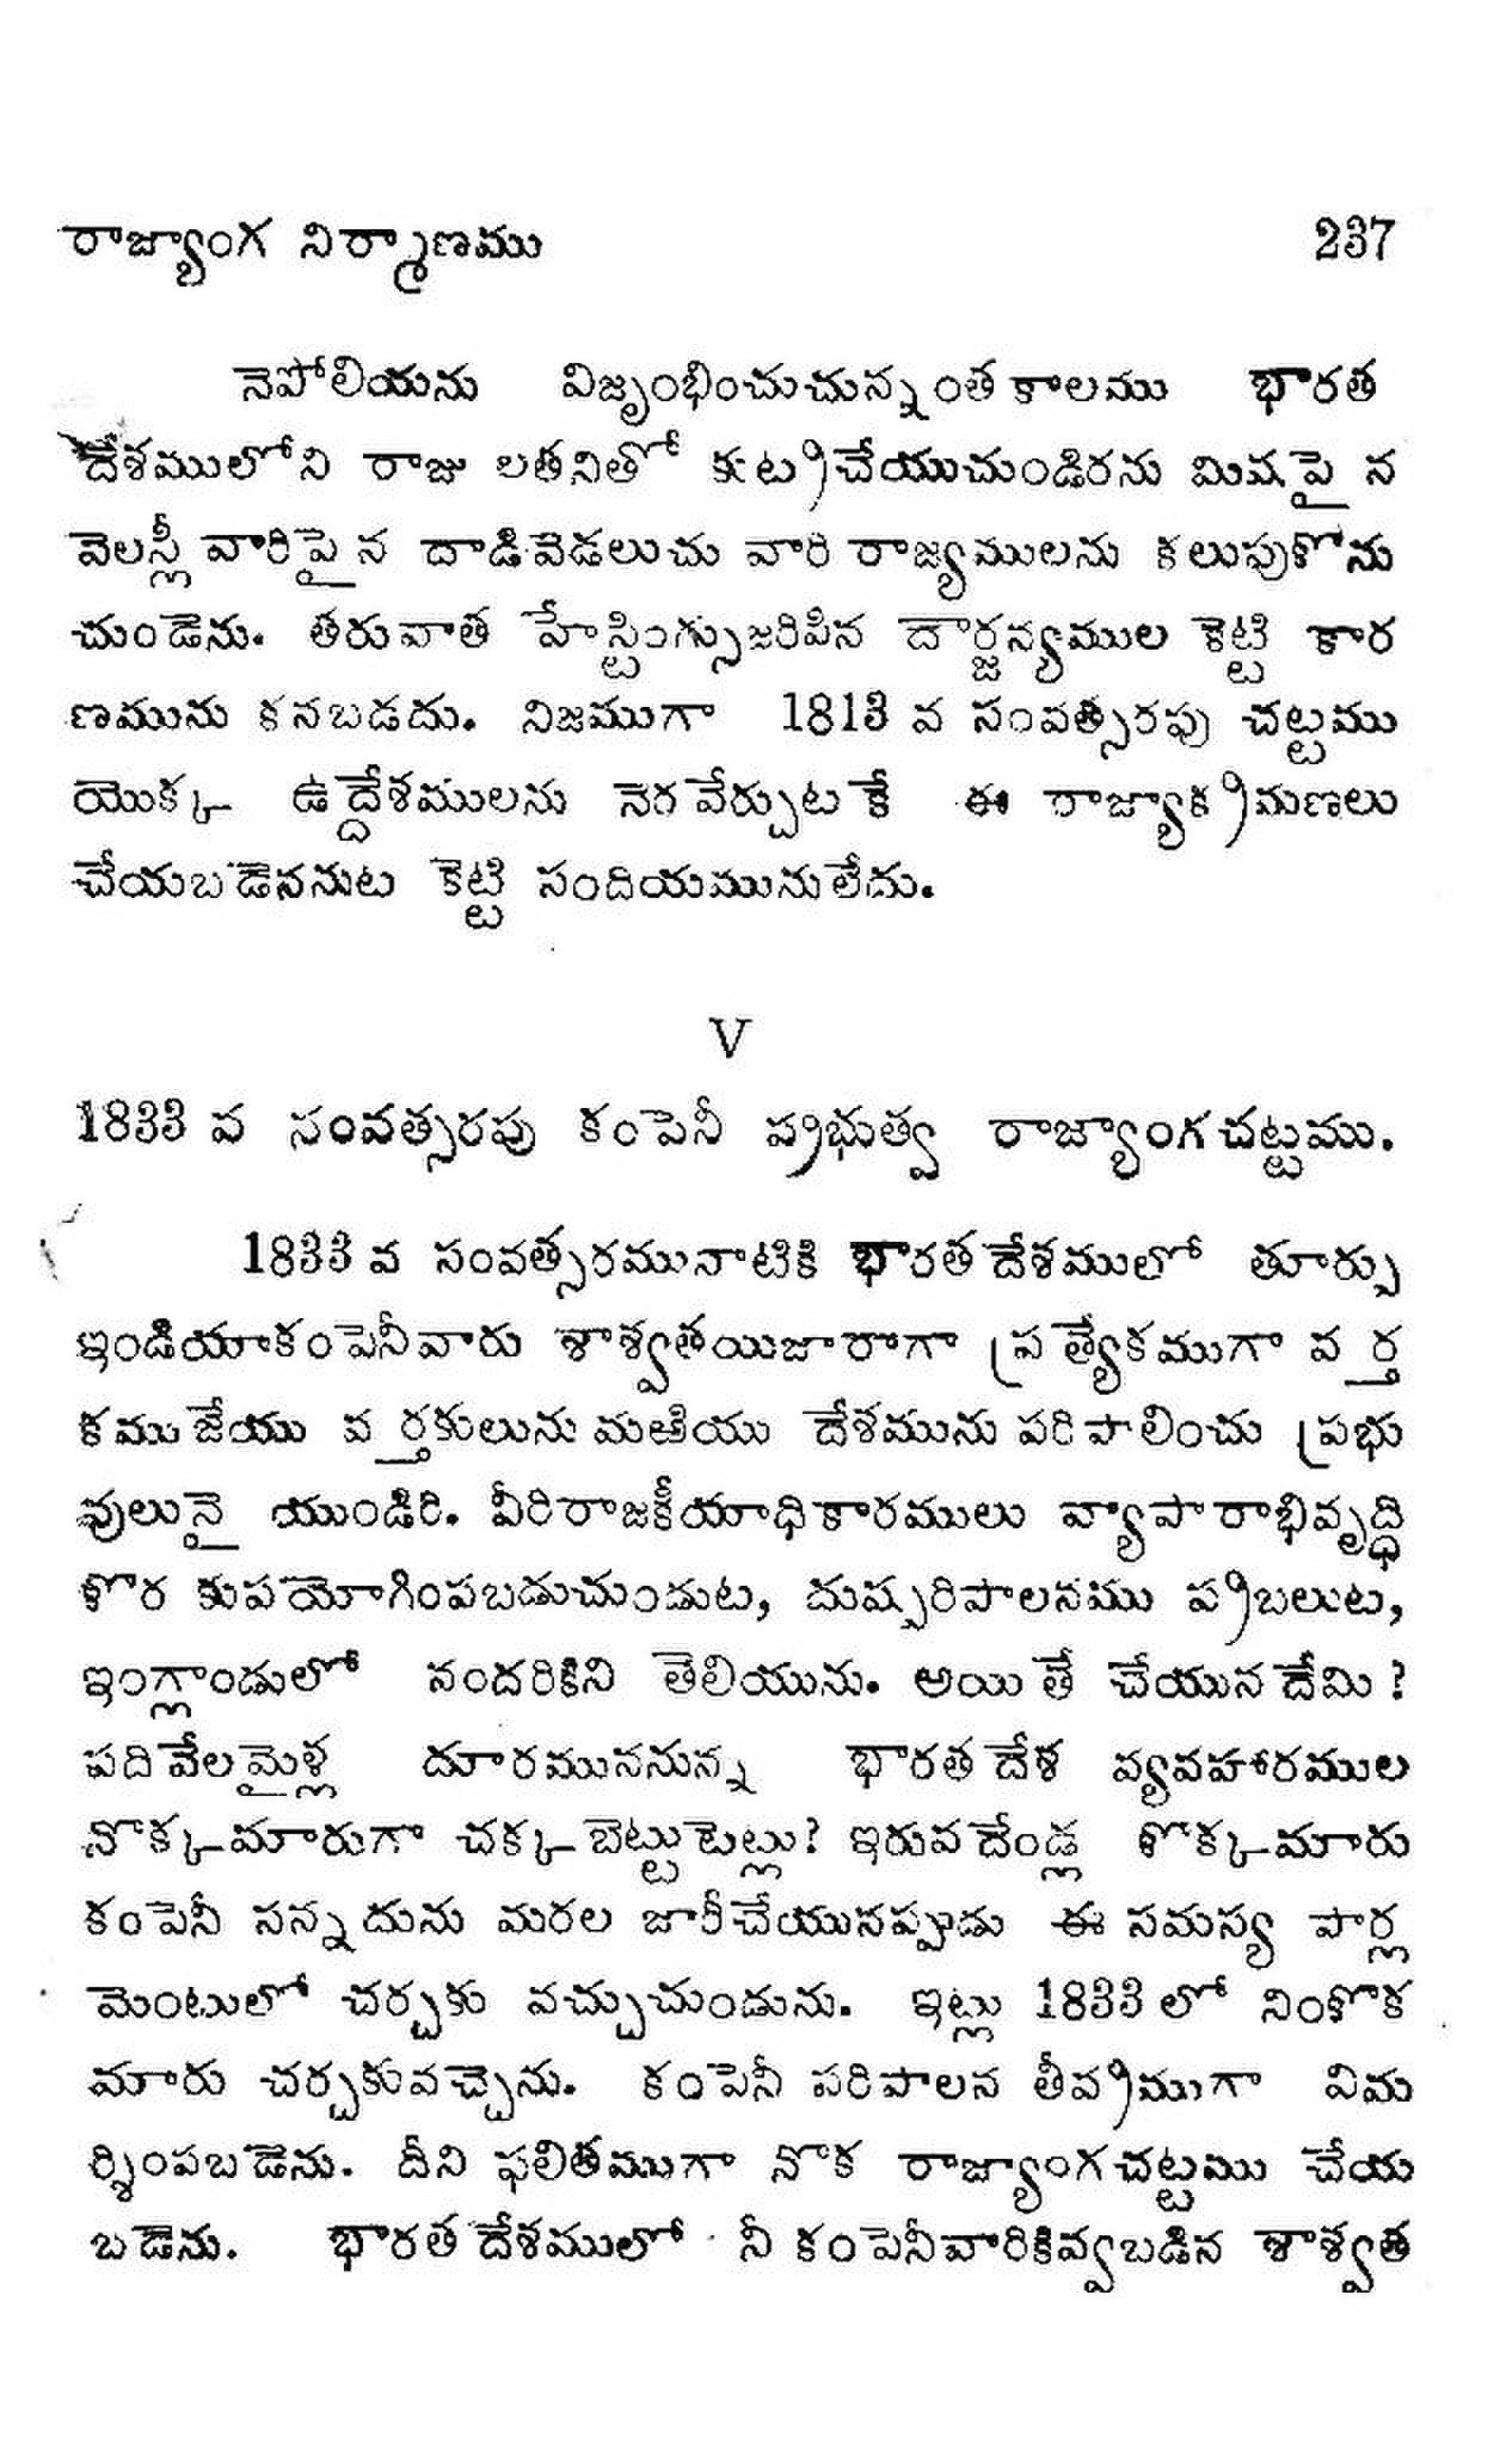నెపోలియను విజృంభించుచున్నంతకాలము భారతదేశములోని రాజు లతనితో కుట్రచేయుచుండిరను మిషపైన వెలస్లీ వారిపైన దాడి వెడలుచు వారి రాజ్యములను కలుపుకొనుచుండెను. తరువాత హేస్టింగ్సుజరిపిన దౌర్జన్యముల కెట్టి కారణమును కనబడదు. నిజముగా 1813 వ సంవత్సరపు చట్టముయొక్క ఉద్దేశములను నెరవేర్చుటకే ఈ రాజ్యాక్రమణలు చేయబడెననుట కెట్టి సందియమునులేదు.

V
1833 వ సంవత్సరపు కంపెనీ ప్రభుత్వ రాజ్యాంగచట్టము.

1833 వ సంవత్సరమునాటికి భారతదేశములో తూర్పు ఇండియాకంపెనీవారు శాశ్వతయిజారాగా ప్రత్యేకముగా వర్తకముజేయు వర్తకులును మఱియు దేశమును పరిపాలించు ప్రభువులునై యుండిరి. వీరి రాజకీయాధికారములు వ్యాపారాభివృద్ధికొర కుపయోగింపబడుచుండుట, దుష్పరిపాలనము ప్రబలుట, ఇంగ్లాండులో నందరికిని తెలియును. అయితే చేయునదేమి? పదివేలమైళ్ల దూరముననున్న భారతదేశ వ్యవహారముల నొక్కమారుగా చక్కబెట్టుటెట్లు? ఇరువదేండ్ల కొక్కమారు కంపెనీ సన్నదును మరల జారీచేయునప్పుడు ఈ సమస్య పార్లమెంటులో చర్చకు వచ్చుచుండును. ఇట్లు 1833 లో నింకొకమారు చర్చకువచ్చెను. కంపెనీ పరిపాలన తీవ్రముగా విమర్శింపబడెను. దీని ఫలితముగా నొక రాజ్యాంగచట్టము చేయబడెను. భారతదేశములో నీ కంపెనీవారికివ్వబడిన శాశ్వత